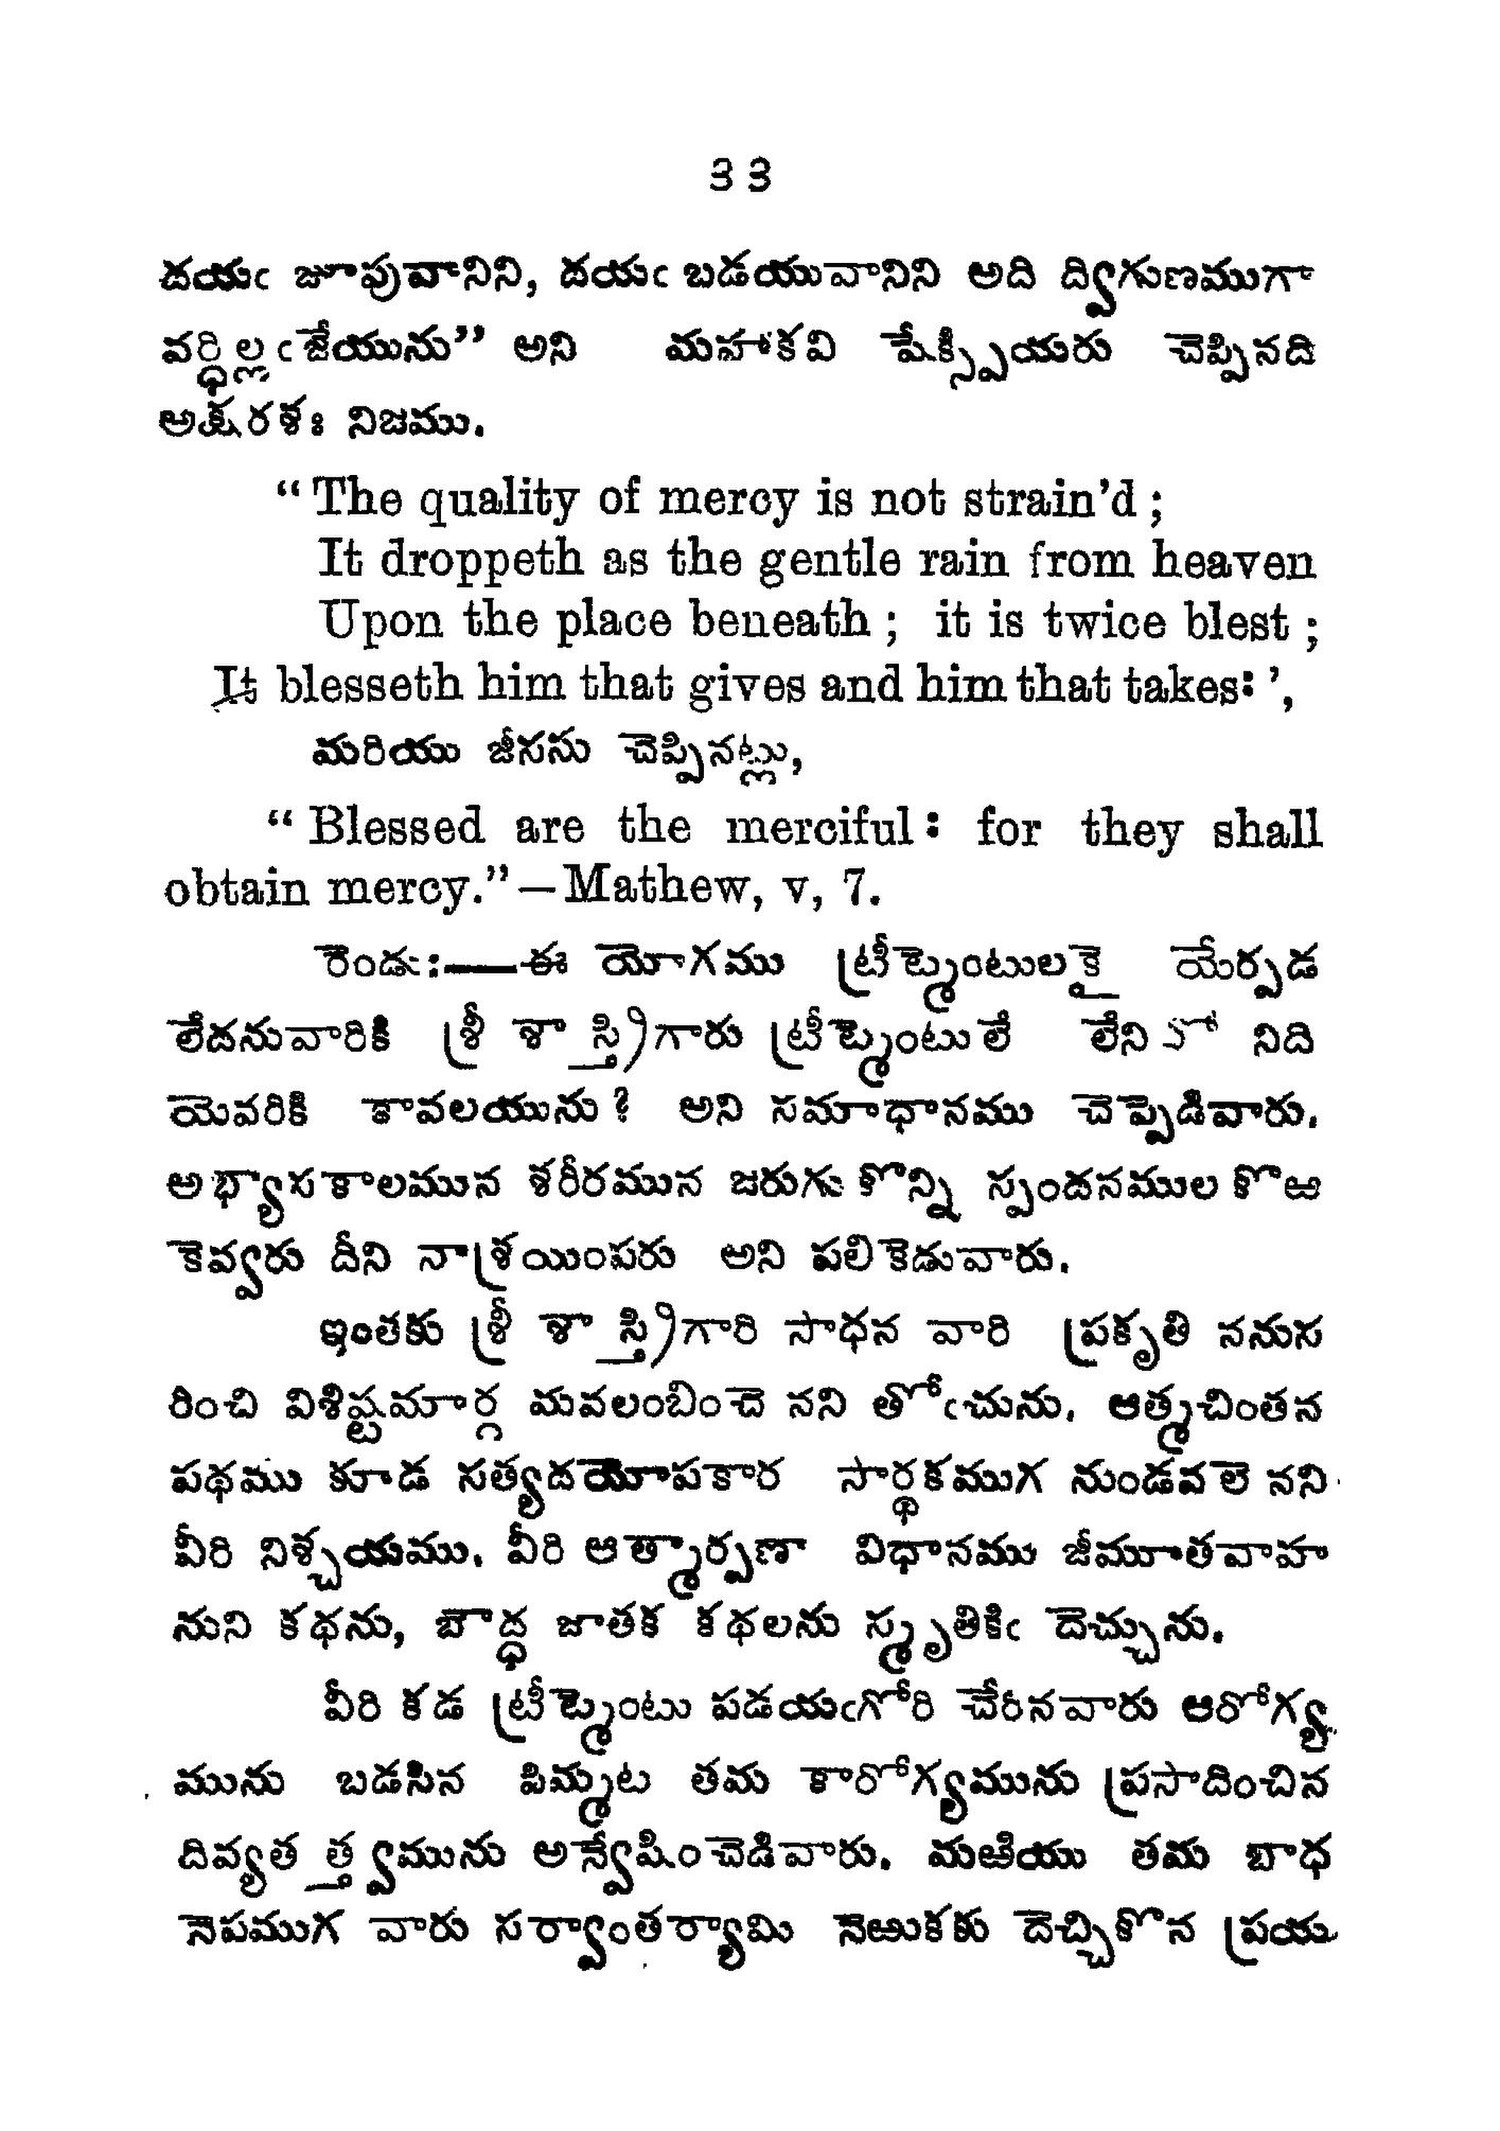దయఁజూపువానిని అది ద్వగునముగా వర్దిల్లఁజేయును" అని మహాకవి షేక్స్పియరు చెప్పినది అక్షరశః నిజము.

 "The quality of mercy is not strain'd;
 It droppeth as the gentle rain from heaven
 Upon the place beneath;it is ywice blest;
 It blesseth him that gives and him that takes:" 

 మరియు జీససు చెప్పినట్లు,

 "Blessed are the merciful:for they shall obtain mercy."__ Mathew, V, 7. 

 రెండు:___ ఈ యోగము ట్రీట్మేంటుకై యేర్పడ లేదను వారికి శ్రీ శాస్త్రిగారు ట్రీట్మేంటులే లేనిచో నిది యెవరికి కావలయును? అని సమాధానము చెప్పెడివారు. అభ్యాసకాలమున శరీరముణ జరుగుకొన్ని స్పందనముల కొఱకెవ్వరు దీని నాశ్రయింపరు అని పలికెడువారు. 

 ఇంతకు శ్రీ శాస్త్రిగారి సాధన వారి ప్రకృతి ననుసరించి విశిష్టమార్గ మవలంబించె నని తోఁచును. ఆత్మచింతన పదము కూడ సత్యదయోపకార సార్ధకముగానుండవలె నని వీరి నిశ్చయము. వీరి ఆత్మార్పణా విధానము జీమూతవాహనుని కధను, బౌద్ధజాతక కధలను స్మృతుకిఁ దెచ్చును.

 వీరి కడ ట్రీట్మేంటు పడయఁగోరి చేరిన వారు ఆరోగ్యమును బడసిన పిమ్మట తమ కారోగ్యమును ప్రసాదించిన దివ్యతత్త్వమును అన్వేషించెడివారు. మఱియు తమ బాధ నెపముగ వారు సర్వాంతర్యామి నెఱుకకు దెచ్చికొన ప్రయ